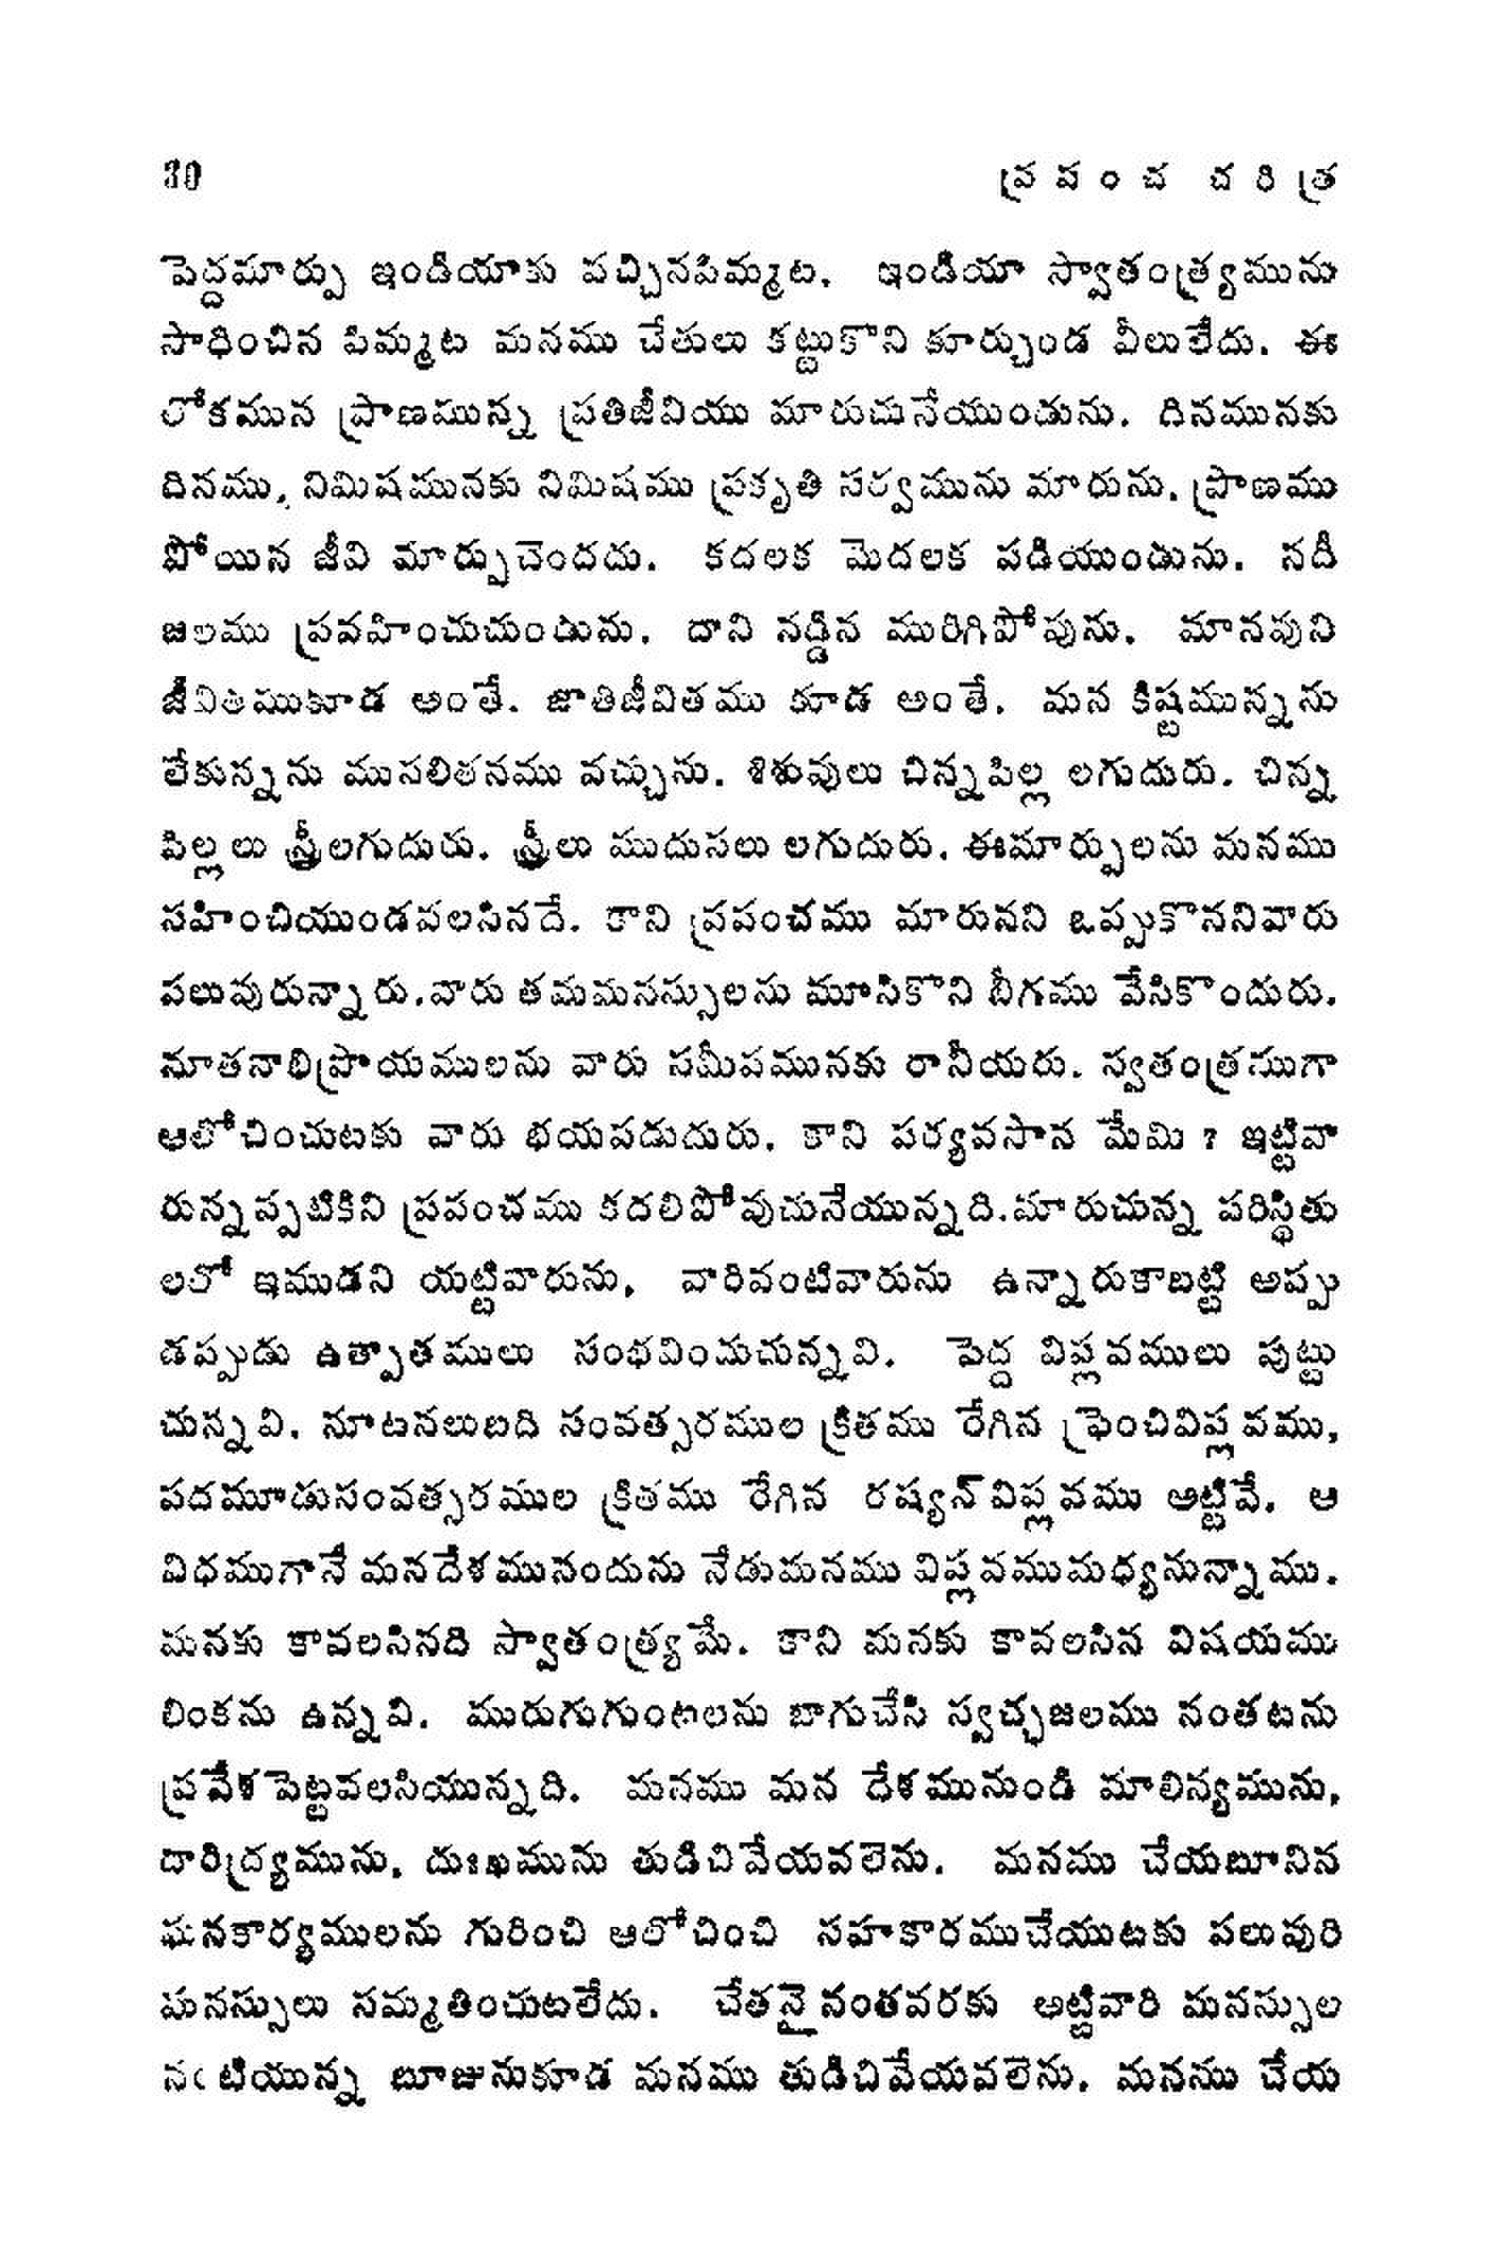పెద్దమార్పు ఇండియాకు వచ్చినపిమ్మట, ఇండియా స్వాతంత్ర్యమును సాధించిన పిమ్మట మనము చేతులు కట్టుకొని కూర్చుండ వీలులేదు. ఈ లోకమున ప్రాణమున్న ప్రతిజీవియు మారుచునేయుండును. దినమునకు దినము, నిమిషమునకు నిమిషము ప్రకృతి సర్వమును మారును. ప్రాణము పోయిన జీవి మార్పుచెందదు. కదలక మెదలక పడియుండును. నదీ జలము ప్రవహించుచుండును. దాని నడ్డిన మురిగిపోవును. మానవుని జీవితముకూడ అంతే. జాతిజీవితము కూడ అంతే. మన కిష్టమున్నను లేకున్నను ముసలితనము వచ్చును. శిశువులు చిన్నపిల్ల లగుదురు. చిన్న పిల్లలు స్త్రీలగుదురు. స్త్రీలు ముదుసలు లగుదురు. ఈమార్పులను మనము సహించియుండవలసినదే. కాని ప్రపంచము మారునని ఒప్పుకొననివారు పలువురున్నారు. వారు తమమనస్సులను మూసికొని బీగము వేసికొందురు. నూతనాభిప్రాయములను వారు సమీపమునకు రానీయరు. స్వతంత్రముగా ఆలోచించుటకు వారు భయపడుదురు. కాని పర్యవసాన మేమి ? ఇట్టివా రున్నప్పటికిని ప్రపంచము కదలిపోవుచునేయున్నది. మారుచున్న పరిస్థితులలో ఇముడని యట్టివారును, వారివంటివారును ఉన్నారుకాబట్టి అప్పుడప్పుడు ఉత్పాతములు సంభవించుచున్నవి. పెద్ద విప్లవములు పుట్టుచున్నవి. నూటనలుబది సంవత్సరముల క్రితము రేగిన ఫ్రెంచి విప్లవము, పదమూడు సంవత్సరముల క్రితము రేగిన రష్యన్ విప్లవము అట్టివే. ఆ విధముగానే మనదేశమునందును నేడుమనము విప్లవముమధ్యనున్నాము. మనకు కావలసినది స్వాతంత్ర్యమే. కాని మనకు కావలసిన విషయము లింకను ఉన్నవి. మురుగుగుంటలను బాగుచేసి స్వచ్ఛజలము నంతటను ప్రవేశ పెట్టవలసియున్నది. మనము మన దేశమునుండి మాలిన్యమును, దారిద్ర్యమును, దుఃఖమును తుడిచివేయవలెను. మనము చేయబూనిన ఘనకార్యములను గురించి ఆలోచించి సహకారముచేయుటకు పలువురి మనస్సులు సమ్మతించుటలేదు. చేతనైనంతవరకు అట్టివారి మనస్సుల నంటియున్న బూజునుకూడ మనము తుడిచివేయవలెను. మనము చేయ